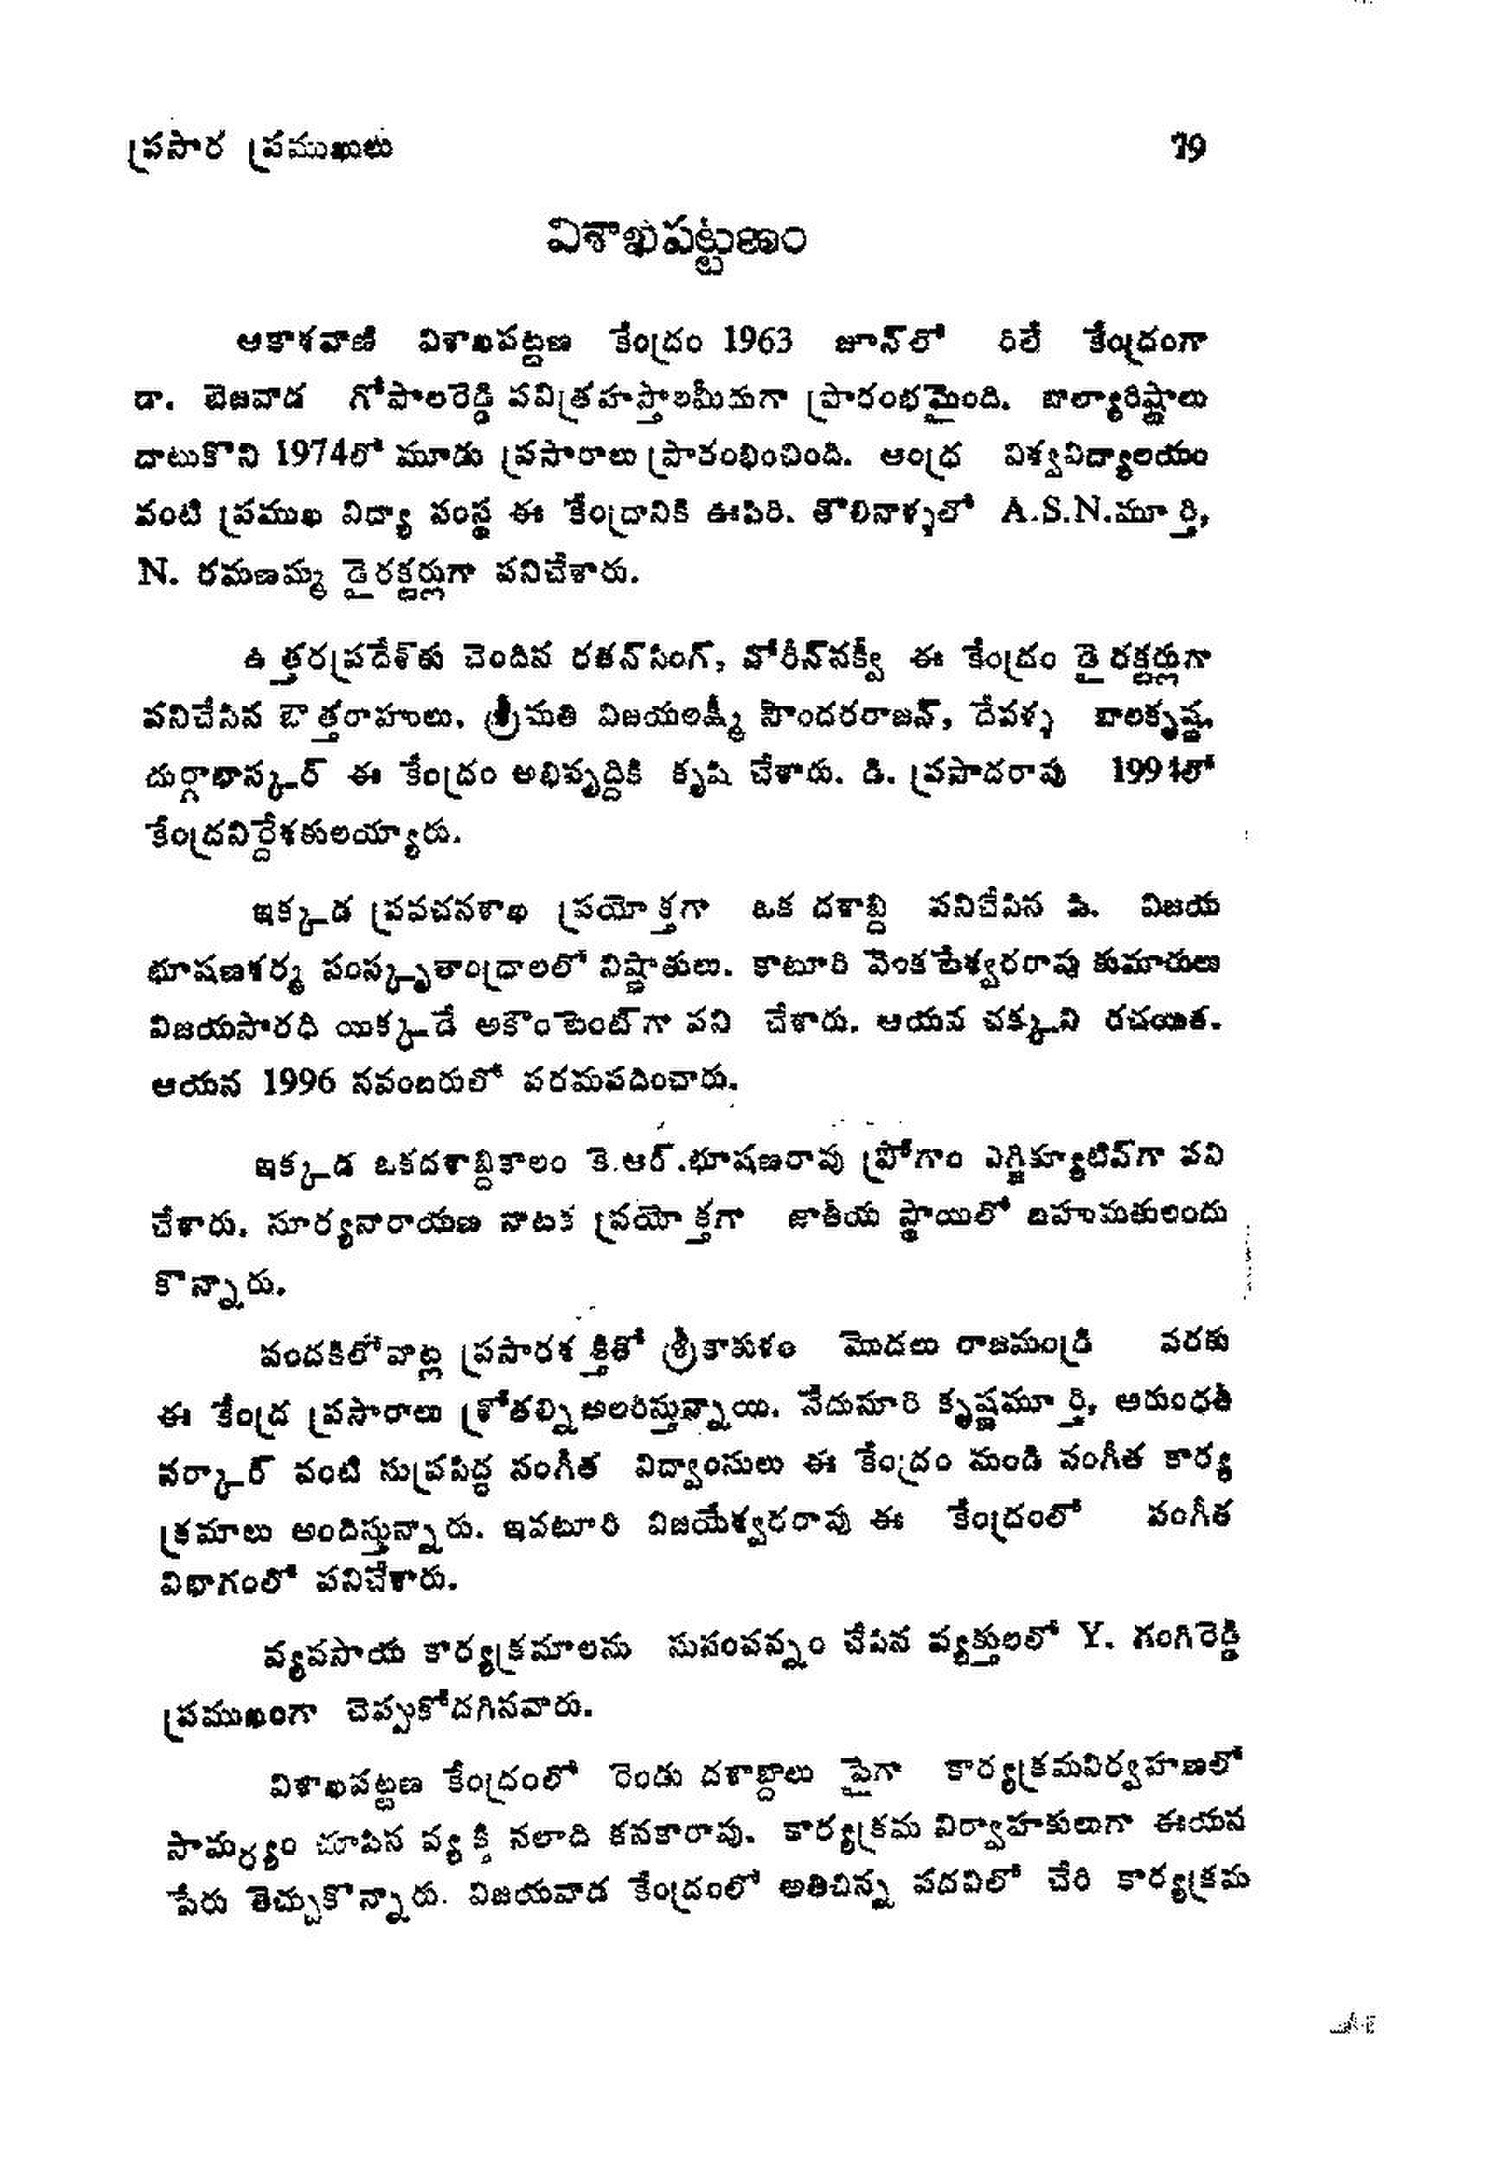ఆకాశవాణి విశాఖపట్టణ కేంద్రం 1963 జూన్ లో రిలే కేంద్రంగా డా. బెజవాడ గోపాలరెడ్డి పవిత్రహస్తాల మీదుగా ప్రారంభమైంది. బాలారిష్టాలు దాటుకొని 1974లో మూడు ప్రసారాలు ప్రారంభించింది. ఆంధ్ర విశ్వవిద్యాలయం వంటి ప్రముఖ విద్యా సంస్థ ఈ కేంద్రానికి ఊపిరి. తొలినాళ్ళలో A.S.N.మూర్తి, N. రమణమ్మ డైరక్టర్లుగా పనిచేశారు.

ఉత్తరప్రదేశ్ కు చెందిన రతన్ సింగ్, వోరీన్ నక్వీ ఈ కేంద్రం డైరక్టర్లుగా పనిచేసిన ఔత్తరాహులు. శ్రీమతి విజయలక్ష్మీ సౌందరరాజన్, దేవళ్ళ బాలకృష్ణ, దుర్గాభాస్కర్ ఈ కేంద్రం అభివృద్ధికి కృషి చేశారు. డి. ప్రసాదరావు 1994లో కేంద్రనిర్దేశకులయ్యారు.

ఇక్కడ ప్రవచనశాఖ ప్రయోక్తగా ఒక దశాబ్ది పనిచేసిన పి. విజయ భూషణశర్మ సంస్కృతాంధ్రాలలో నిష్ణాతులు. కాటూరి వెంకటేశ్వరరావు కుమారులు విజయసారథి యిక్కడే అకౌంటెంట్ గా పని చేశారు. ఆయన చక్కని రచయిత. ఆయన 1996 నవంబరులో పరమపదించారు.

ఇక్కడ ఒకదశాబ్దికాలం కె. ఆర్. భూషణరావు ప్రోగ్రాం ఎగ్జిక్యూటివ్ గా పనిచేశారు. సూర్యనారాయణ నాటక ప్రయోక్తగా జాతీయ స్థాయిలో బహుమతులందుకొన్నారు.

వందకిలోవాట్ల ప్రసారశక్తితో శ్రీకాకుళం మొదలు రాజమండ్రి వరకు ఈ కేంద్ర ప్రసారాలు శ్రోతల్ని అలరిస్తున్నాయి. నేదునూరి కృష్ణమూర్తి, అరుంధతీ సర్కార్ వంటి సుప్రసిద్ధ సంగీత విద్వాంసులు ఈ కేంద్రం నుండి సంగీత కార్యక్రమాలు అందిస్తున్నారు. ఇవటూరి విజయేశ్వరరావు ఈ కేంద్రంలో సంగీత విభాగంలో పనిచేశారు.

వ్యవసాయ కార్యక్రమాలను సుసంపన్నం చేసిన వ్యక్తులలో Y. గంగిరెడ్డి ప్రముఖంగా చెప్పుకోదగినవారు.

విశాఖపట్టణ కేంద్రంలో రెండు దశాబ్దాలు పైగా కార్యక్రమ నిర్వహణలో సామర్ధ్యం చూపిన వ్యక్తి సలాది కనకారావు. కార్యక్రమ నిర్వాహకులుగా ఈయన పేరు తెచ్చుకొన్నారు. విజయవాడ కేంద్రంలో అతిచిన్న పదవిలో చేరి కార్యక్రమ